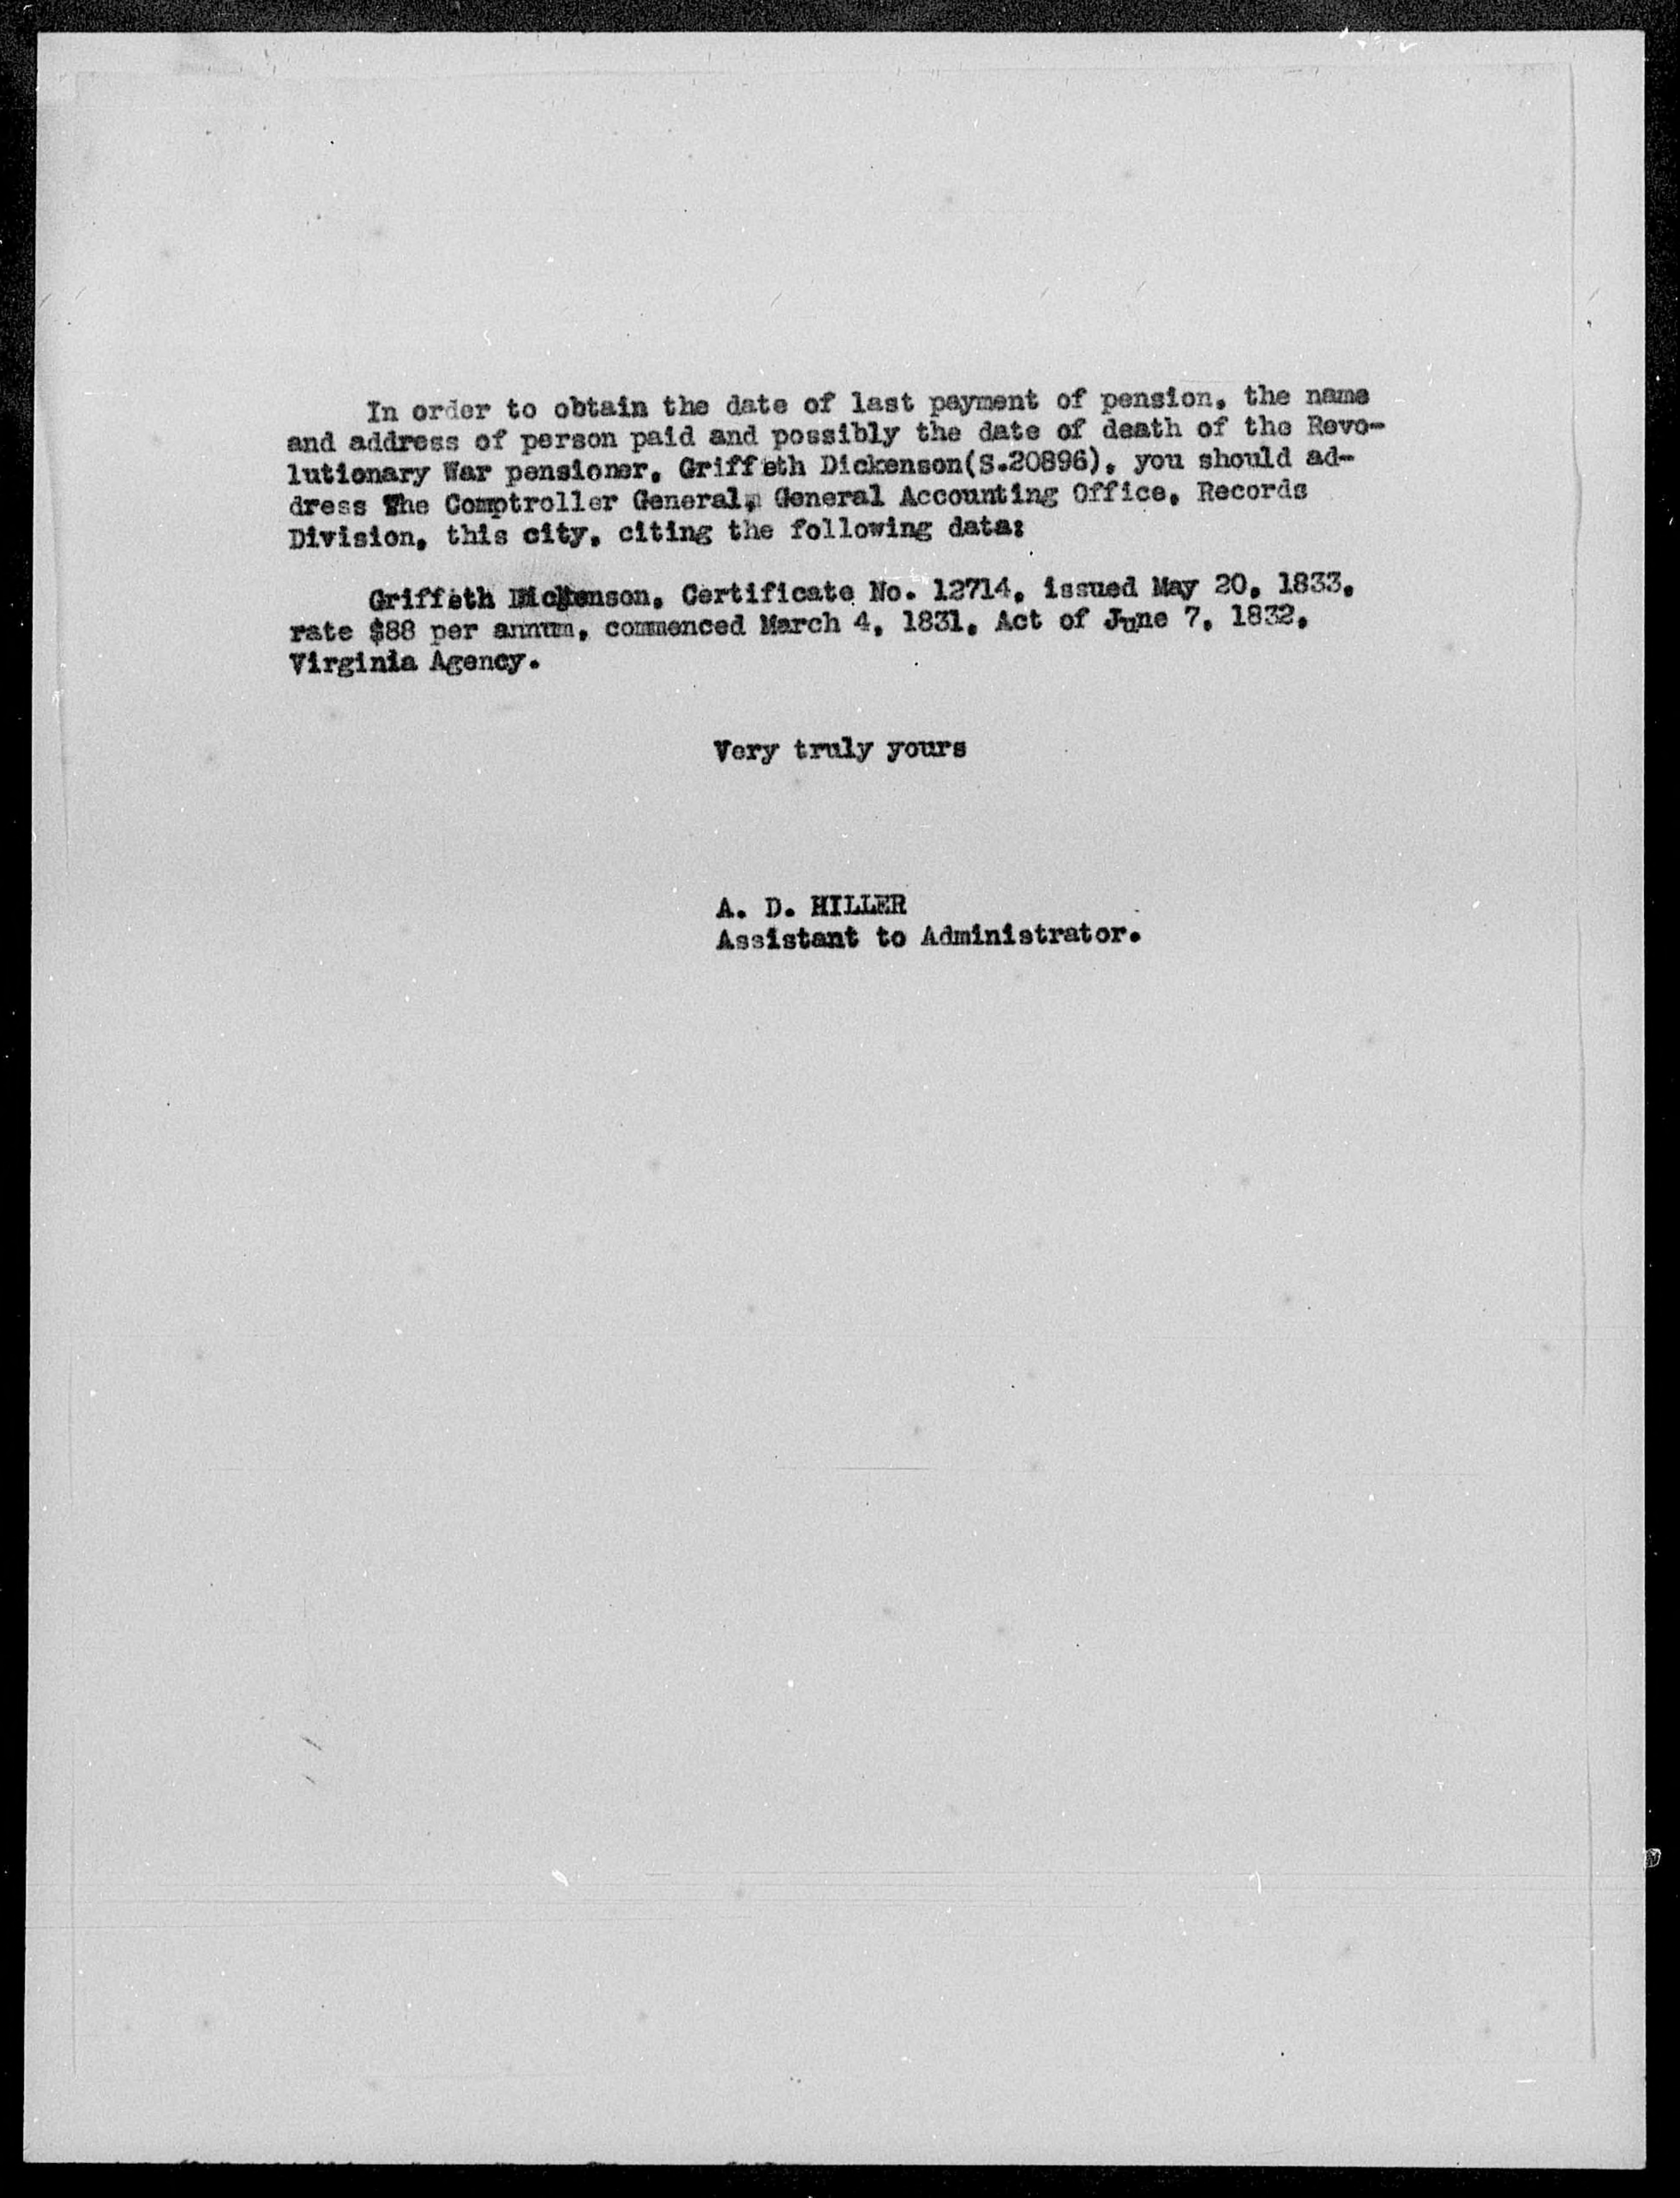In order to obtain the date of last payment of pension, the name and address of person paid and possibly the date of death of the Revolutionary War pensioner, Griffeth Dickenson (S.20896), you should address The Comptroller General, General Accounting Office, Records Division, this city, and cite the following data:

Griffeth Dickenson, Certificate No. 12714, issued May 20, 1833, rate $88 per annum, commenced March 4, 1831, Act of June 7, 1832, Virginia Agency.

Very truly yours

A.D. Hiller
Assistant to Administrator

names: Griffeth Dickenson, Griffeth Dickenson, A D Hiller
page: 19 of 26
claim: survivor's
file: S. 20896, Griffeth Dickenson, Ga. Va.